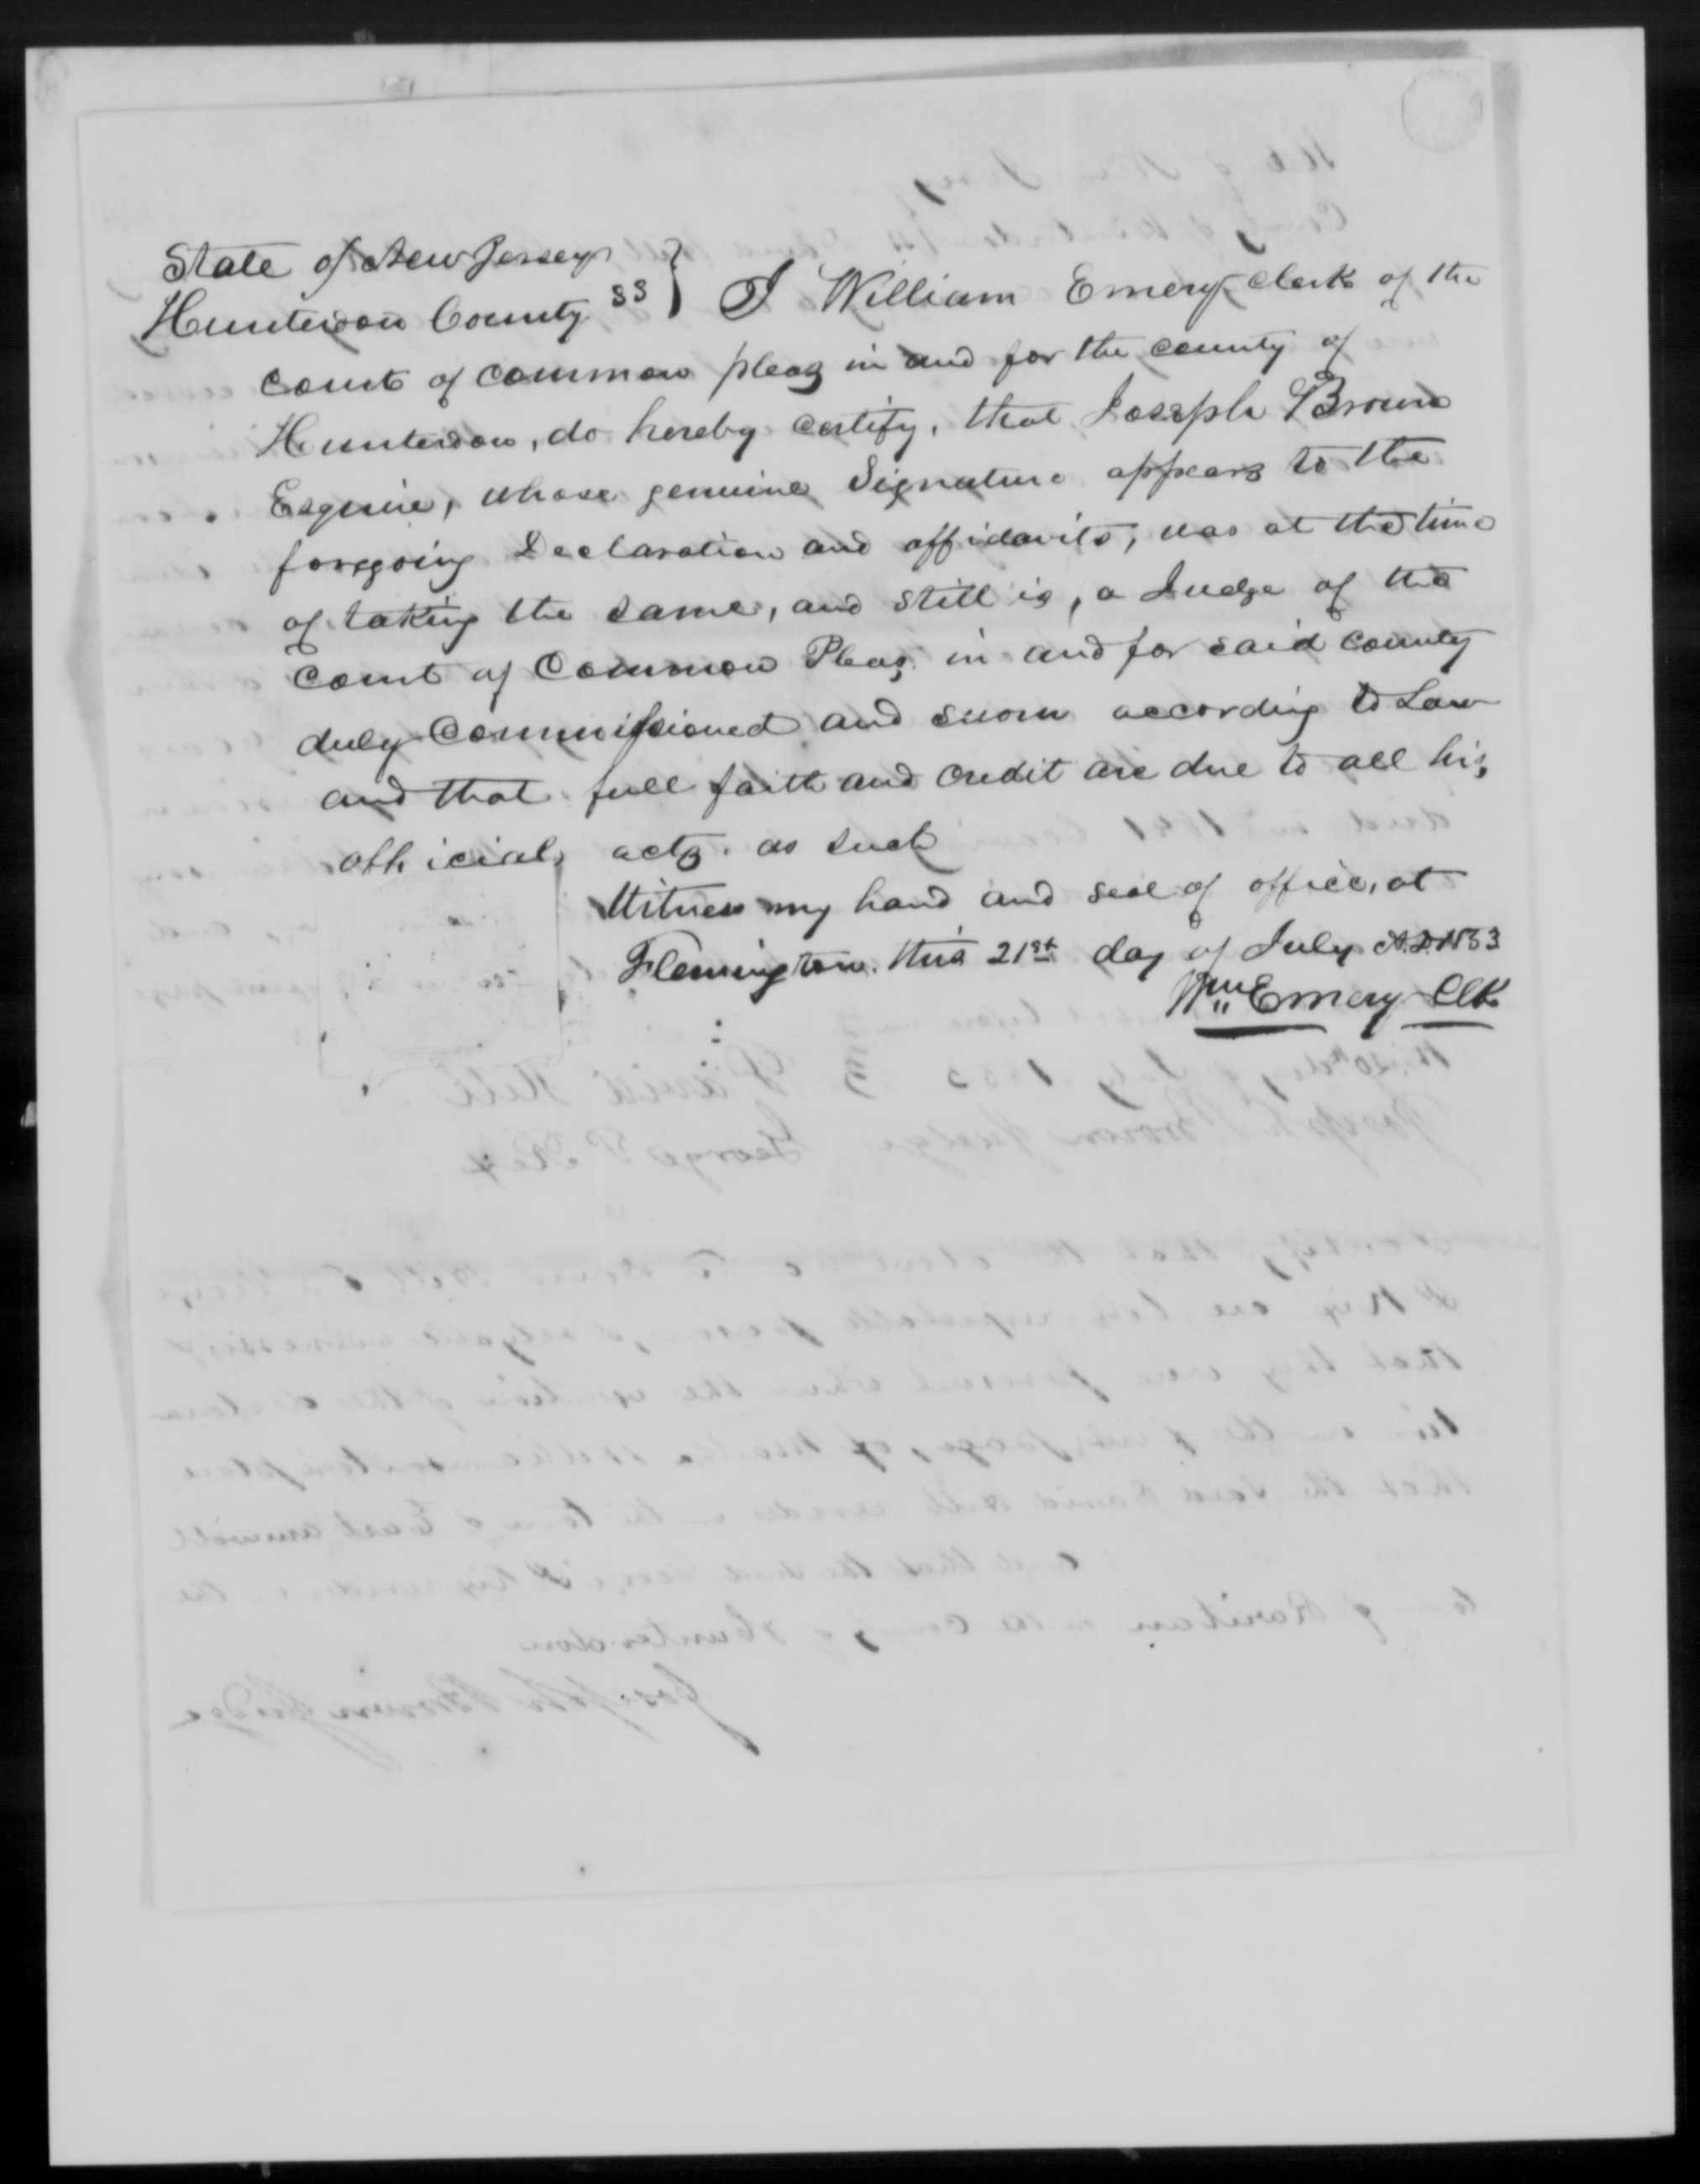State of New Jersey
Hunterdon County//

I, William Emery, Clerk of the Court of Common Pleas in and for the County of Hunterdon, do hereby certify that Joseph Brown, Esquire, whose genuine signature appears to the foregoing declaration and affidavits was at the time of taking the same and still is a Judge of the Court of Common Pleas in and for said County duly commissioned and sworn according to law and that full faith and credit are due to all his official acts as such.

Witness my Hand and Seal of Office at Flemington this 21st day of July A.D. 1833.
s/ Wm. Emery, Clk.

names: Joseph Brown, William Emery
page: 5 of 67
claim: widow's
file: W. 2393, Jacob Williamson, New Jersey